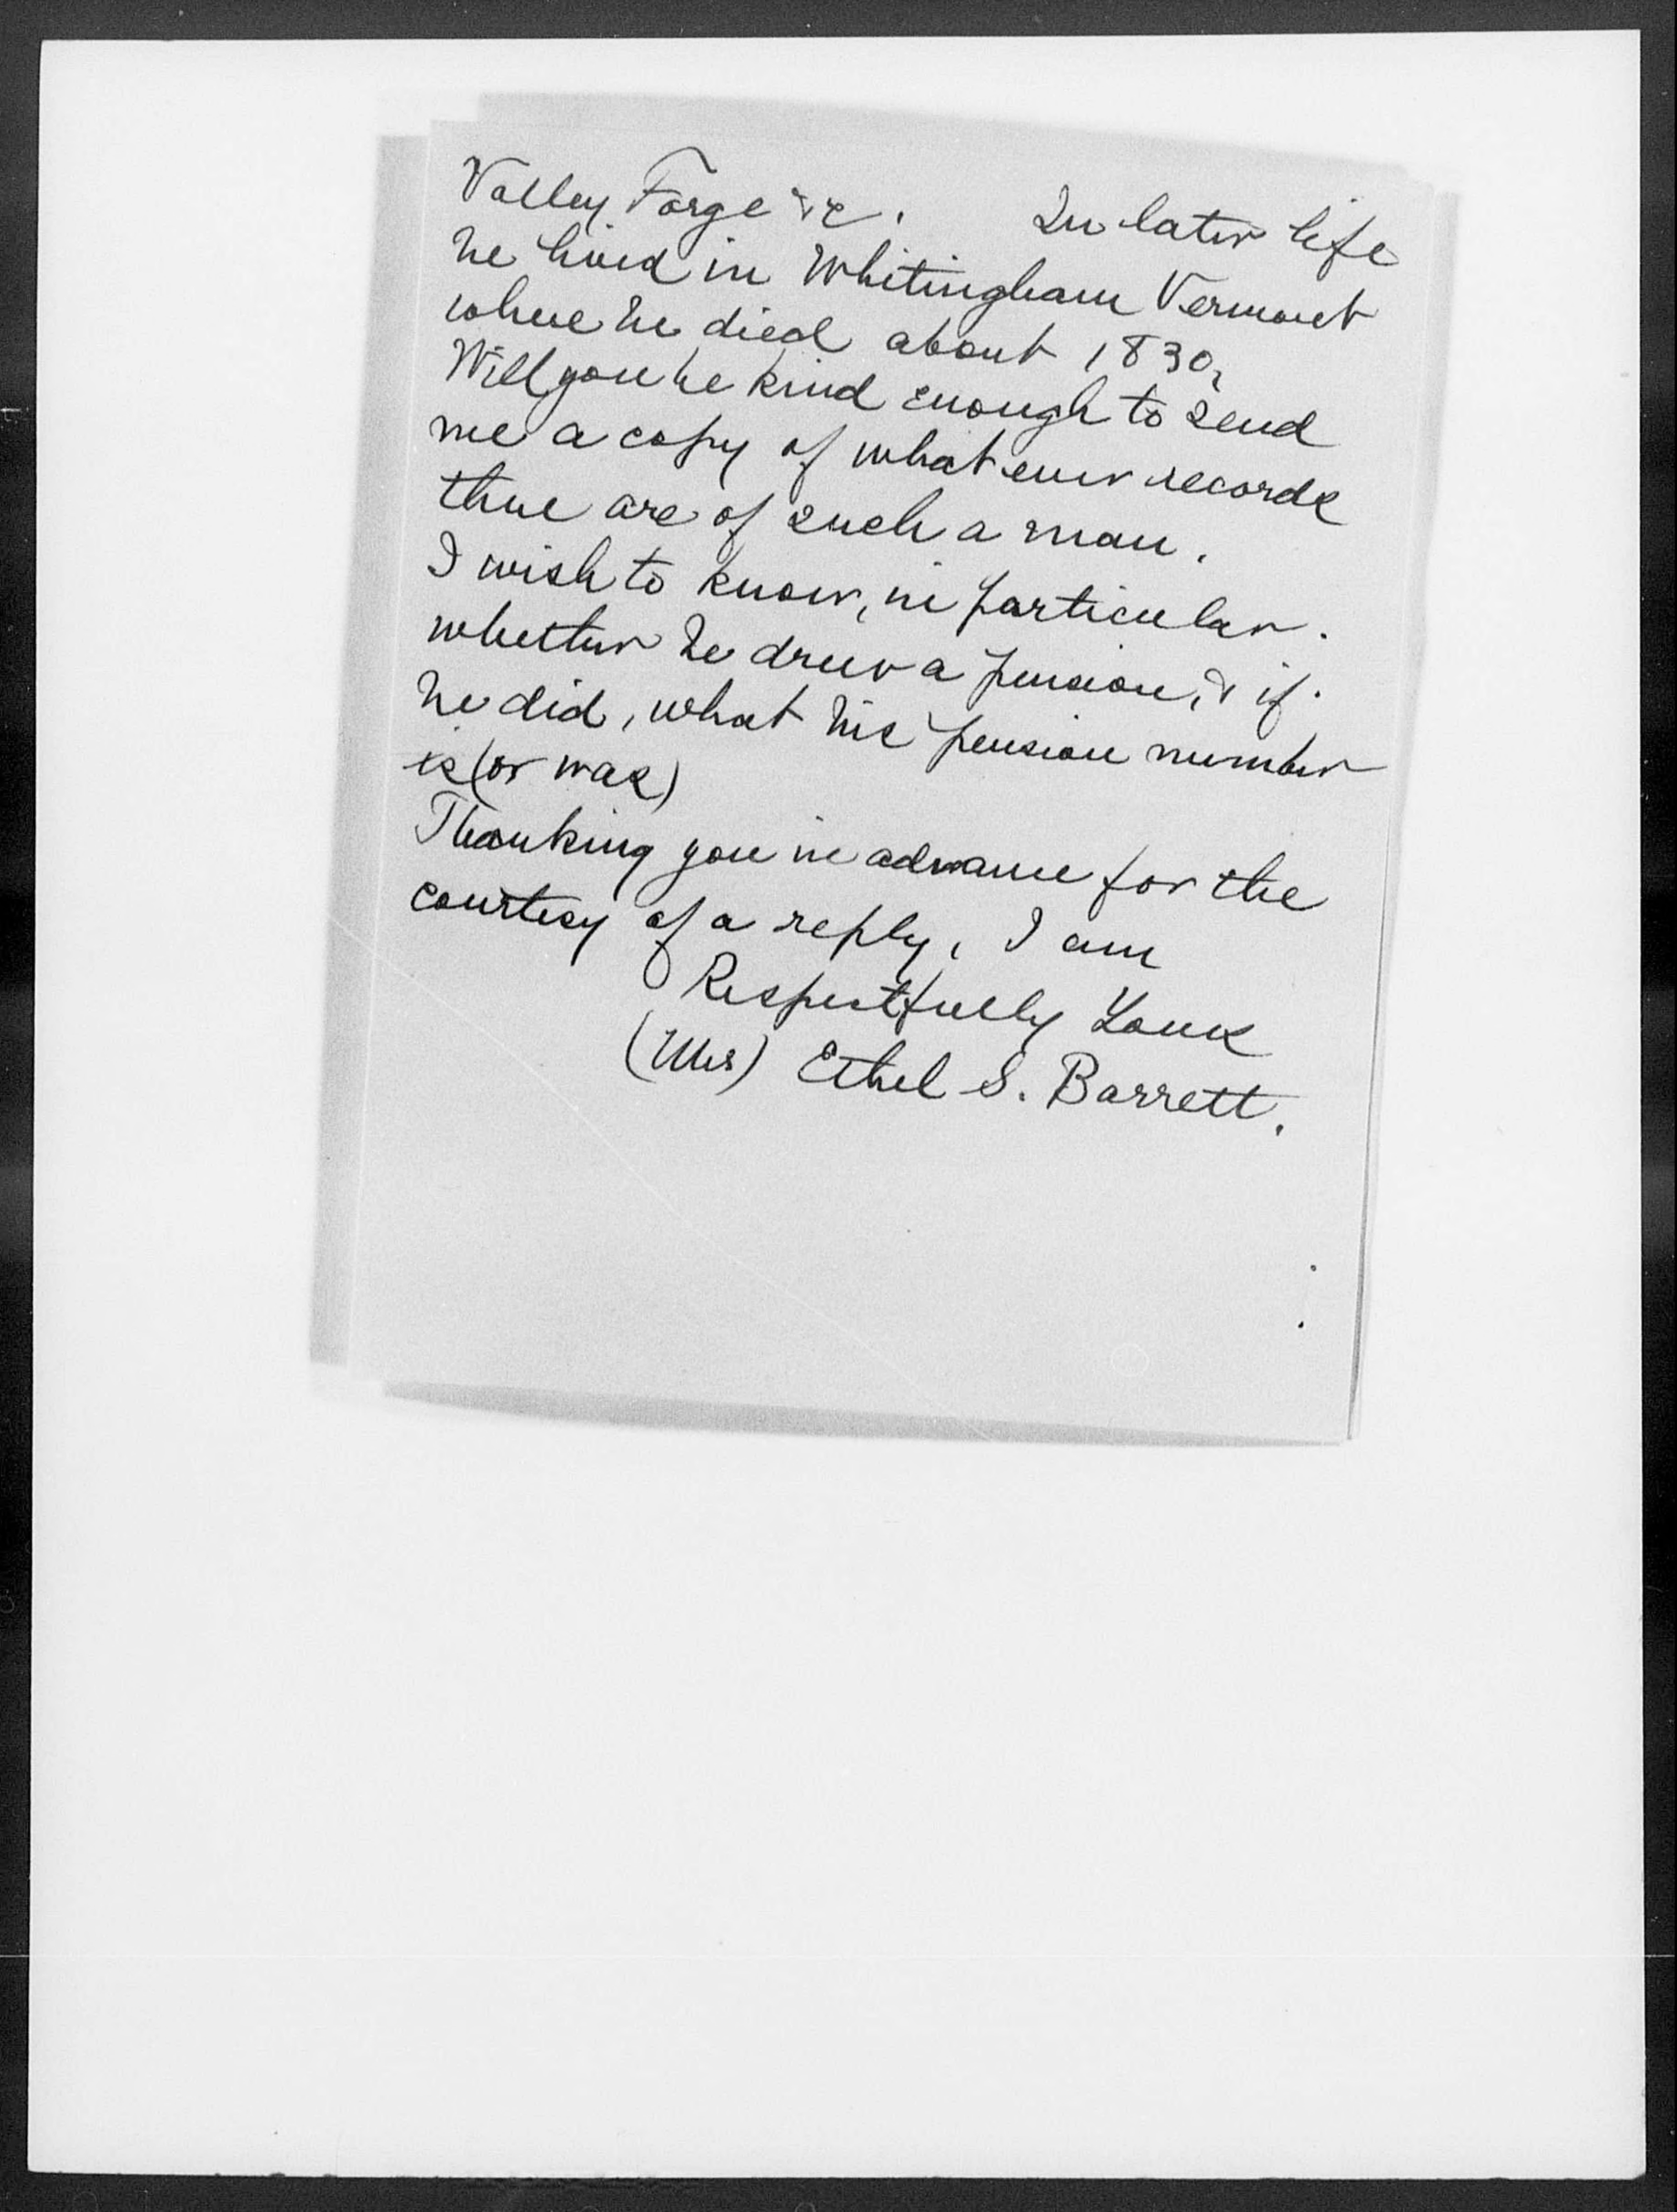Valley Forge, etc.
In later life he lived in Whitingham Vermont where he died about 1830.  Will you be kind enough to send me a copy of whatever records there are of such a man.
I wish to know, in particular, whether he drew a pension, and if he did, what his pension number is (or was).

Thanking you in advance for the courtesy of a reply, I am 

Respectfully,
(Mrs)  Ethel S. Barrett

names: Ethel S Barrett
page: 14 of 16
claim: survivor's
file: S. 44371, Joseph Carley, New York.